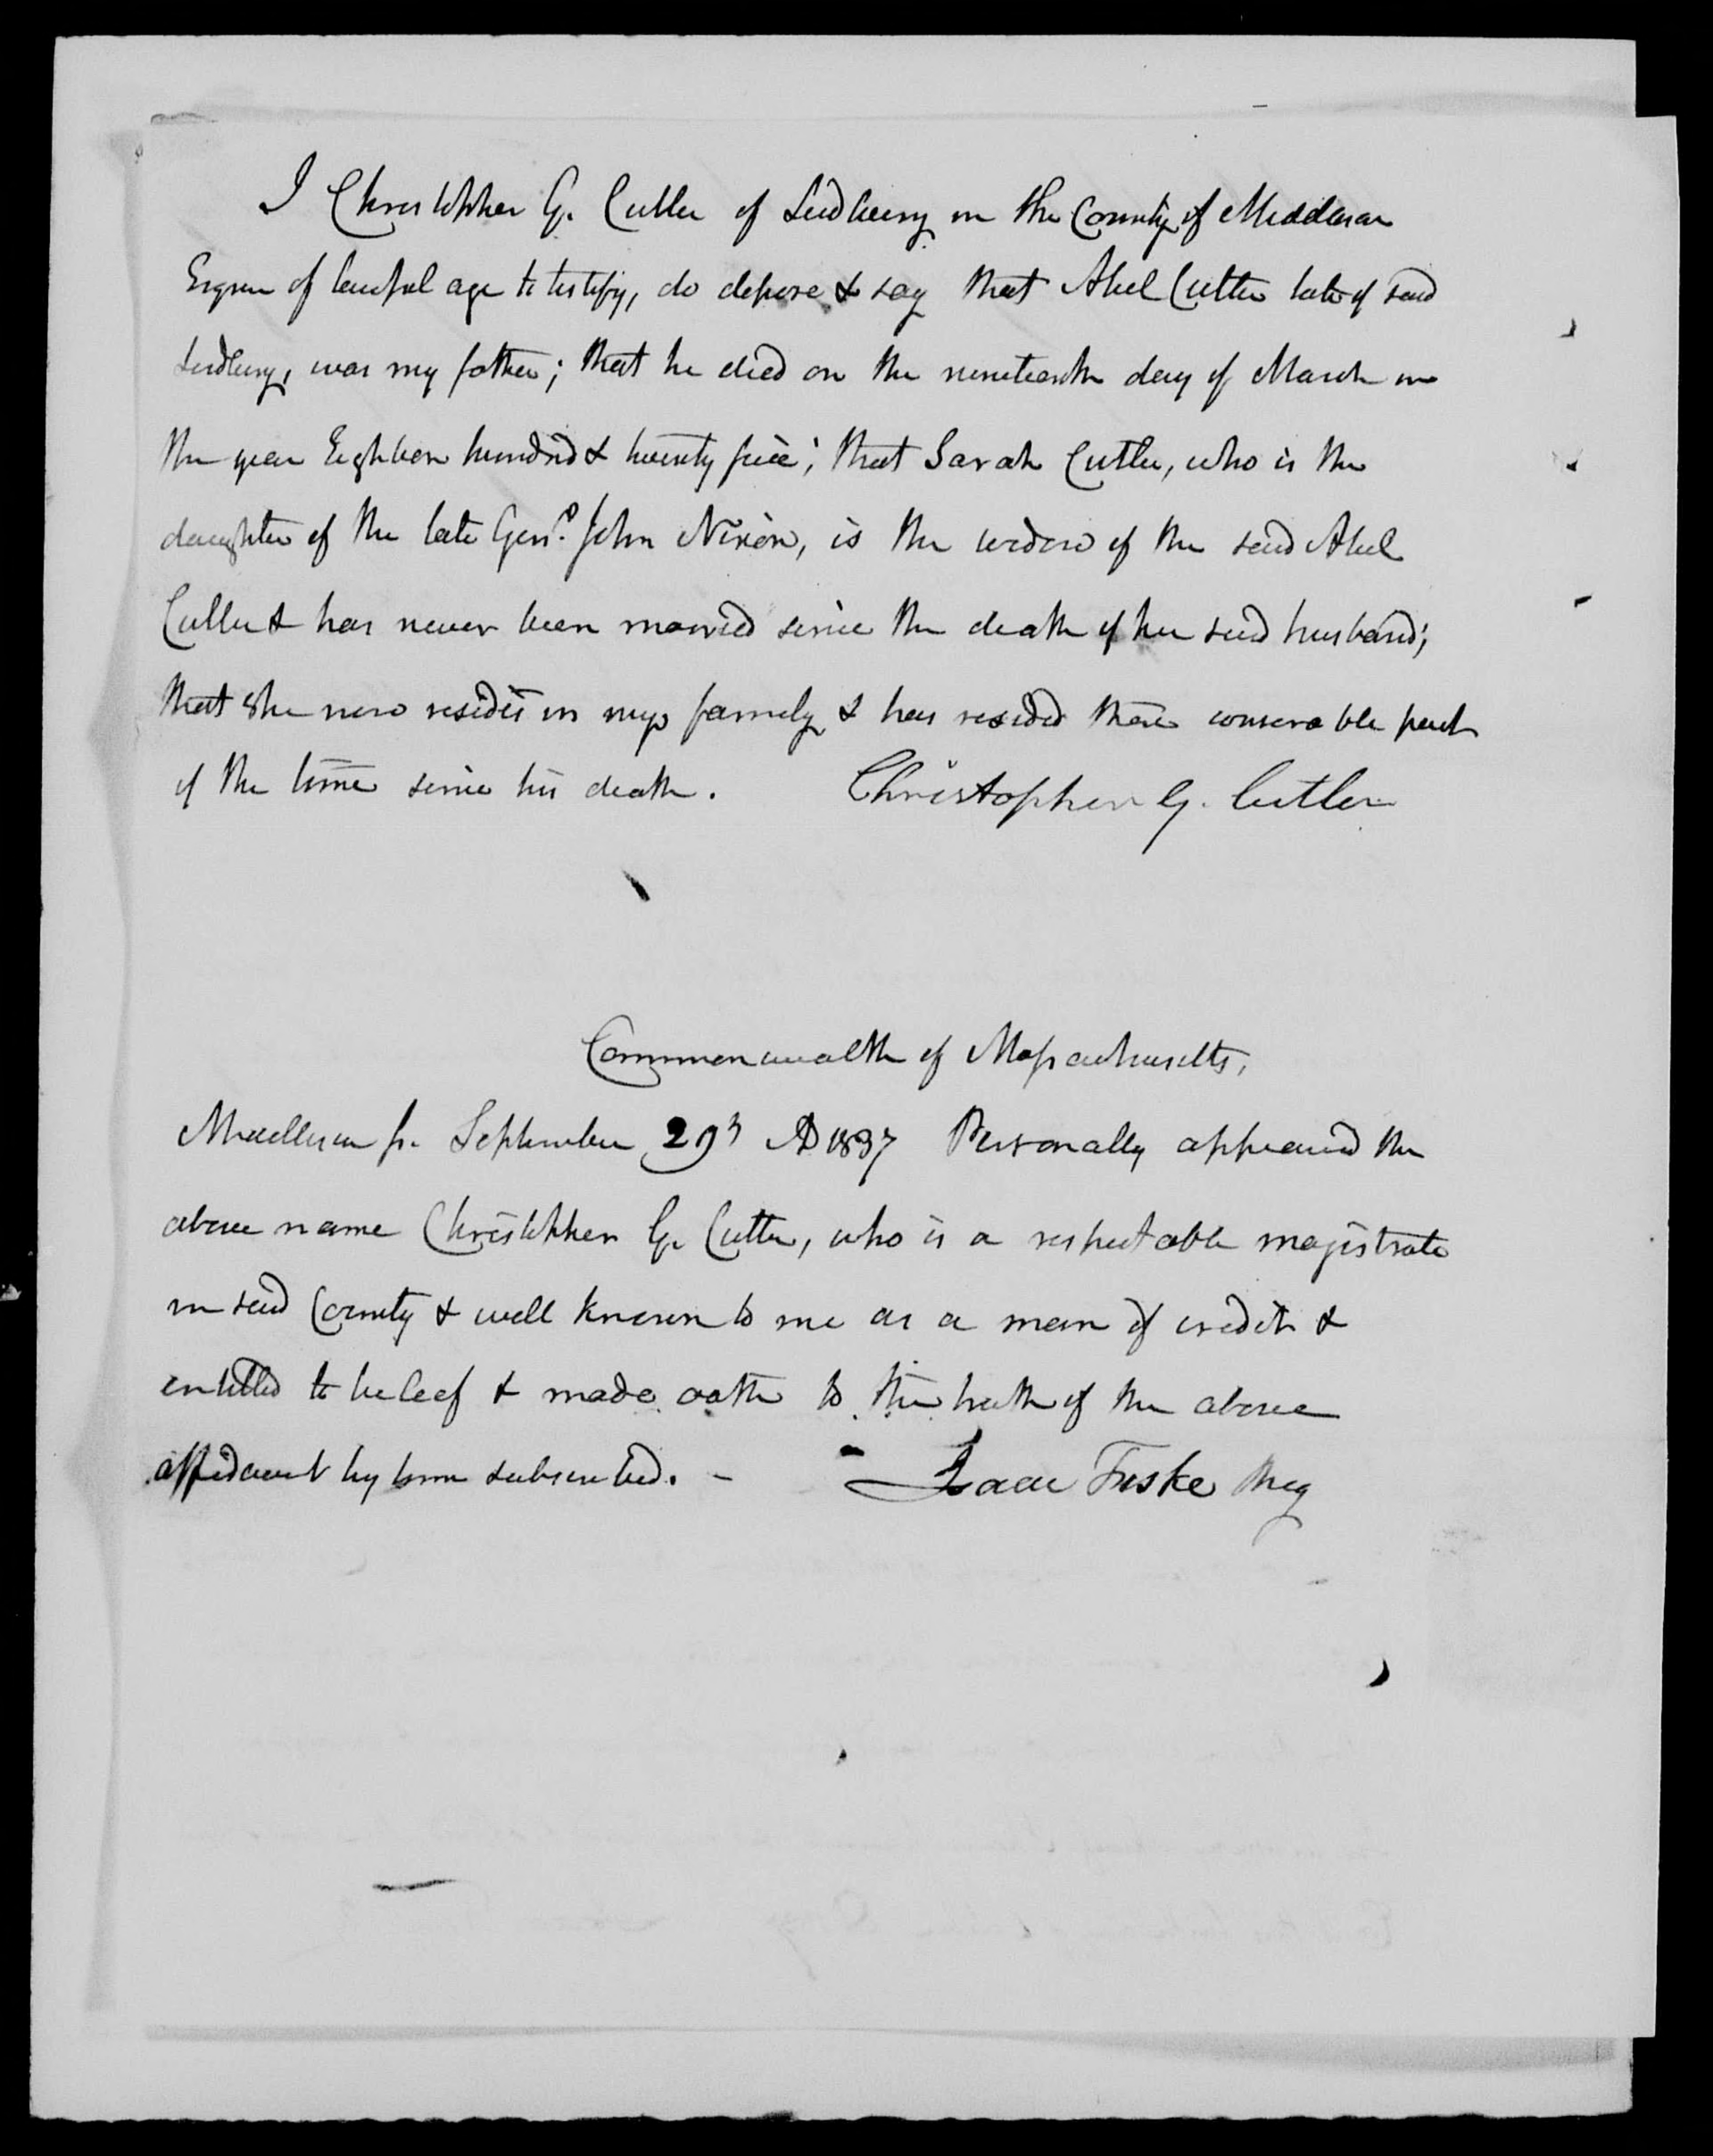I, Christopher G. Cutler of Sudbury in the County of Middlesex, [illegible] of lawful age to testify, do depose and say that Abel Cutler late of said Sudbury was my father; that he died on the 19 Mar 1825; that Sarah Cutler who is the daughter of the late General John Nixon, is the widow of the said Abel Cutler and has never been married since the death of her said husband; that she now resides in my family and has resided there considerable part of the time since his death. Christopher G. Cutler
Commonwealth of Massachusetts
Middlesex; September 23rd AD 1837 personally appeared the above name Christopher G. Cutler who is a respectable magistrate in said county and well know to me as a man of credit and entitled to belief and made oath to the truth of the above affidavit by me subscribed. Isaac Fiske,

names: Sarah Cutler, Abel Cutler, Isaac Feske, John Nixon, Abel Cutler, Christopher G Cutler, Christopher G Cutler, Christopher G Cutler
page: 8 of 22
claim: widow's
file: W. 14,552, Abel Cutler, Mass.